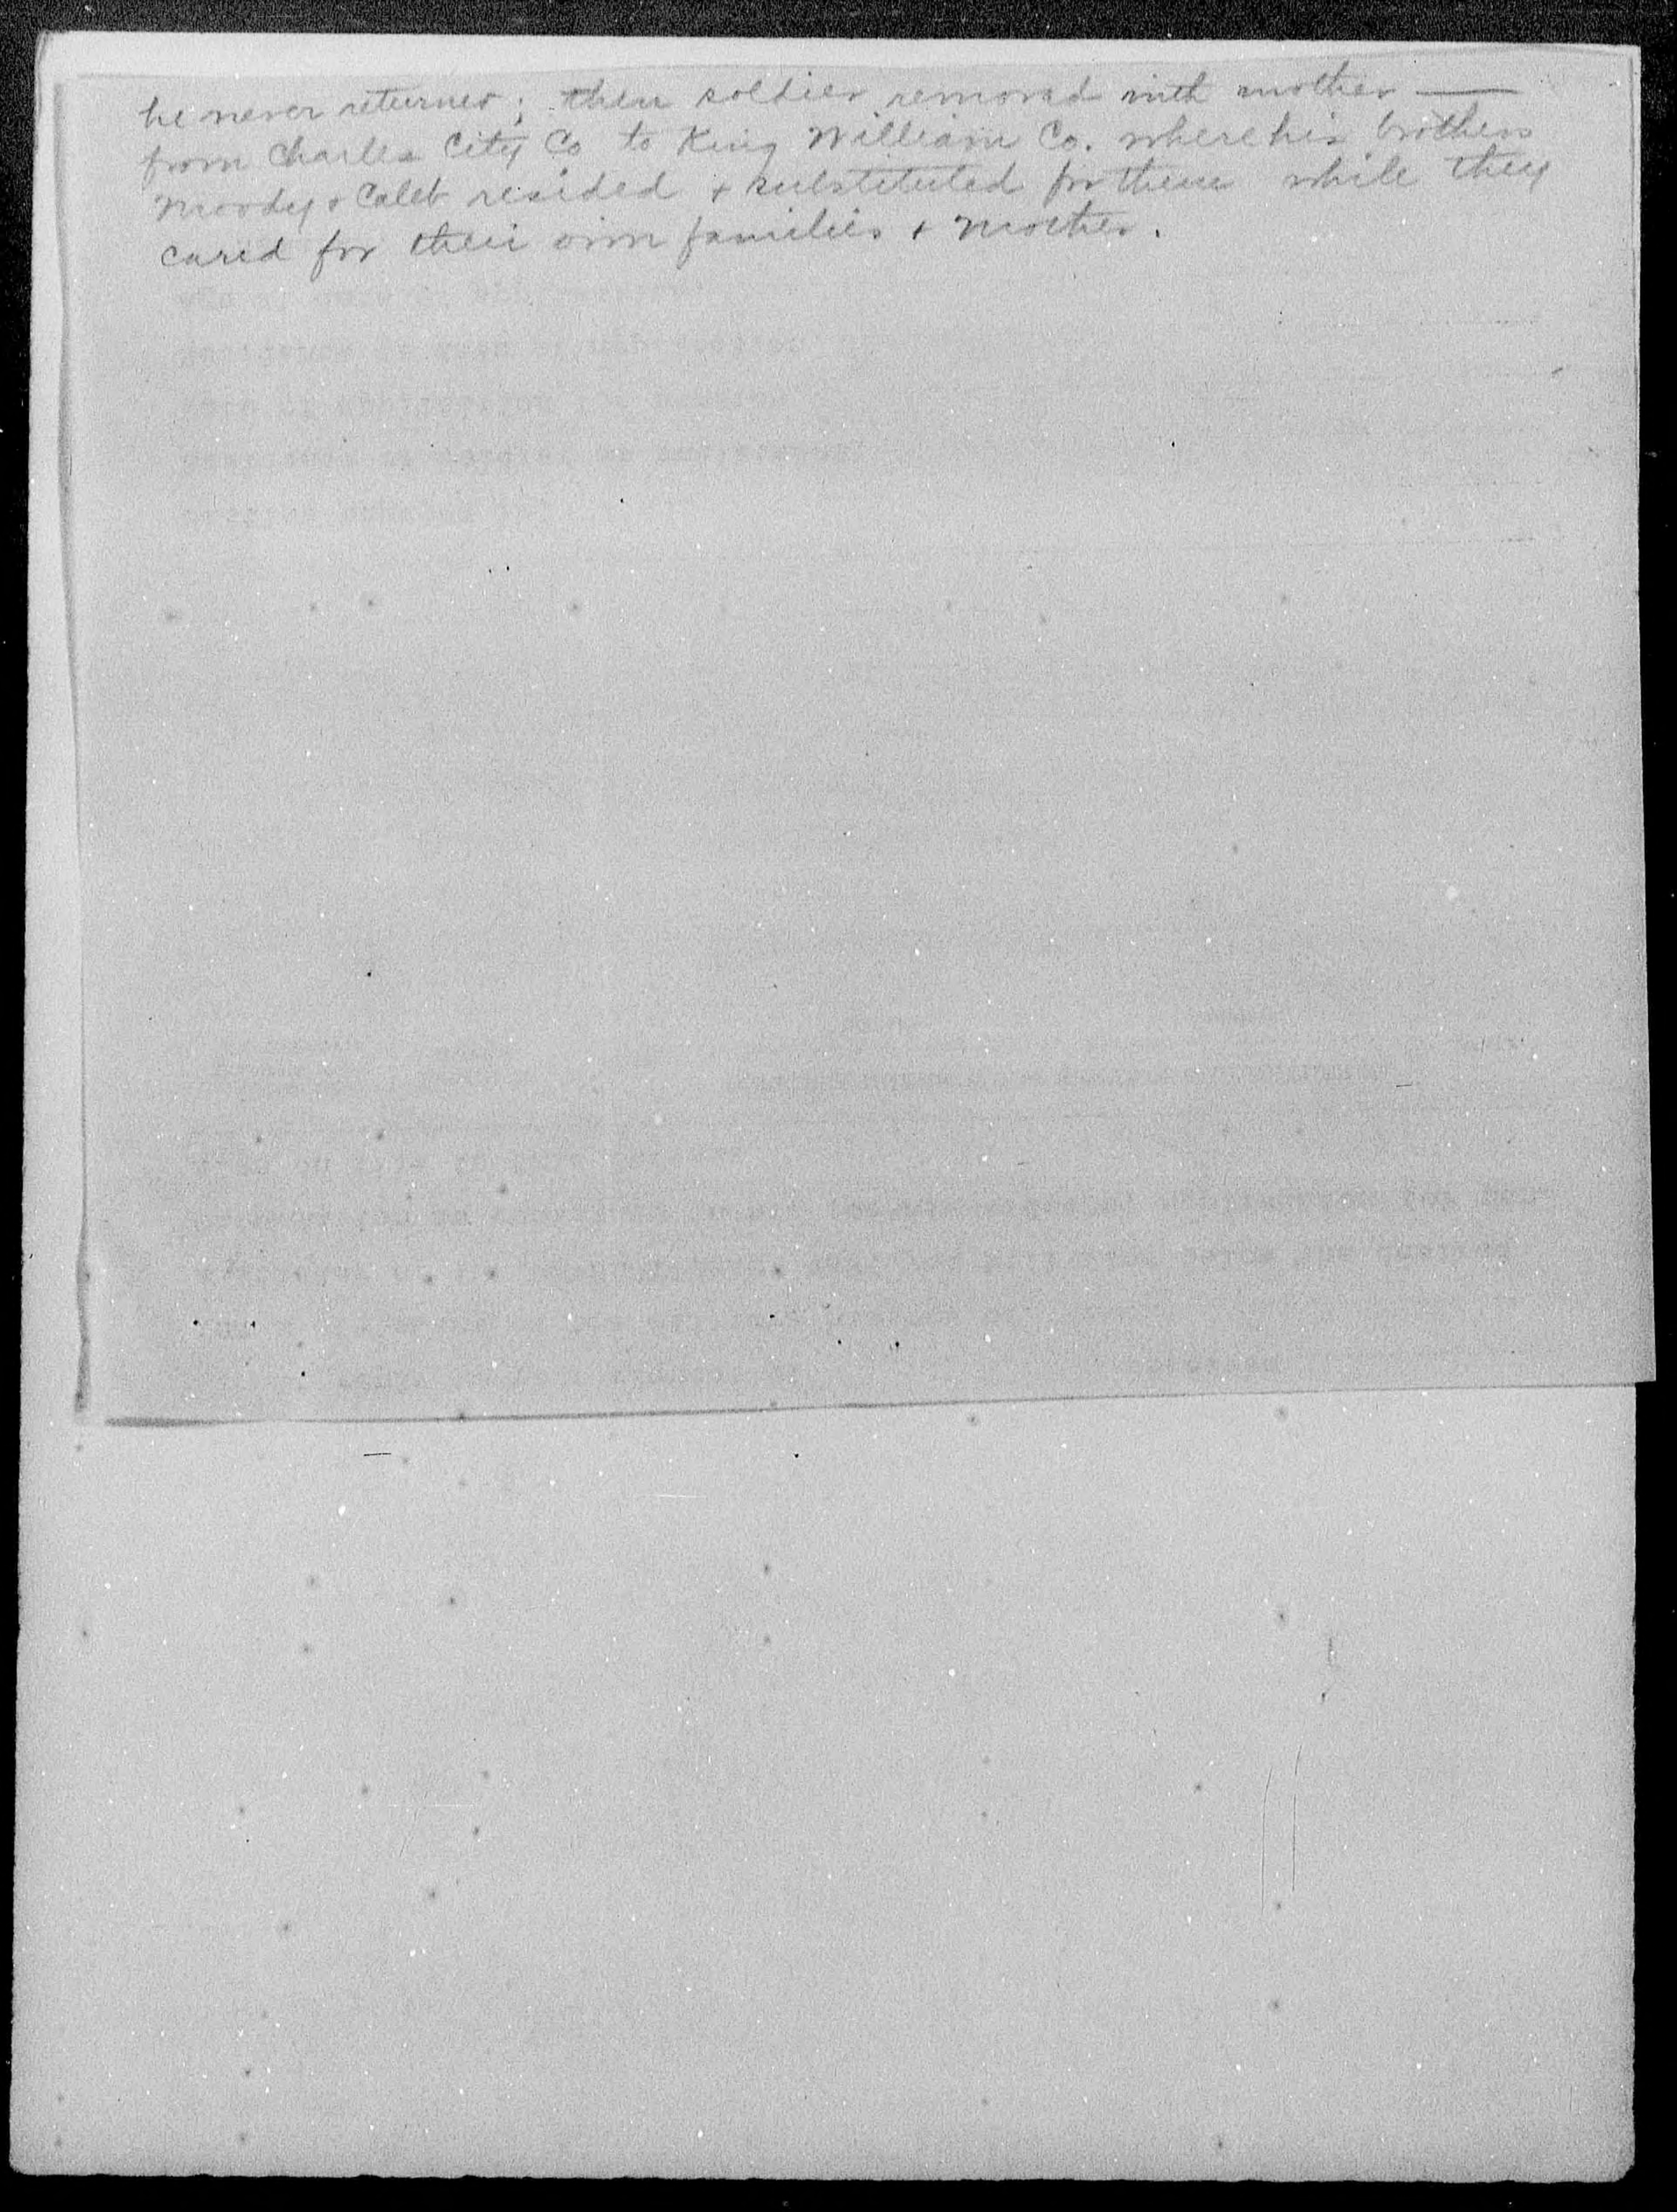he never returned; then soldier removed with mother — from Charles City Co to King William Co. where his brothers Moody & Caleb resided & substituted for them while they cared for their own families & mother.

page: 27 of 27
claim: survivor's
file: S. 1747, Enoch Breeden, Va.